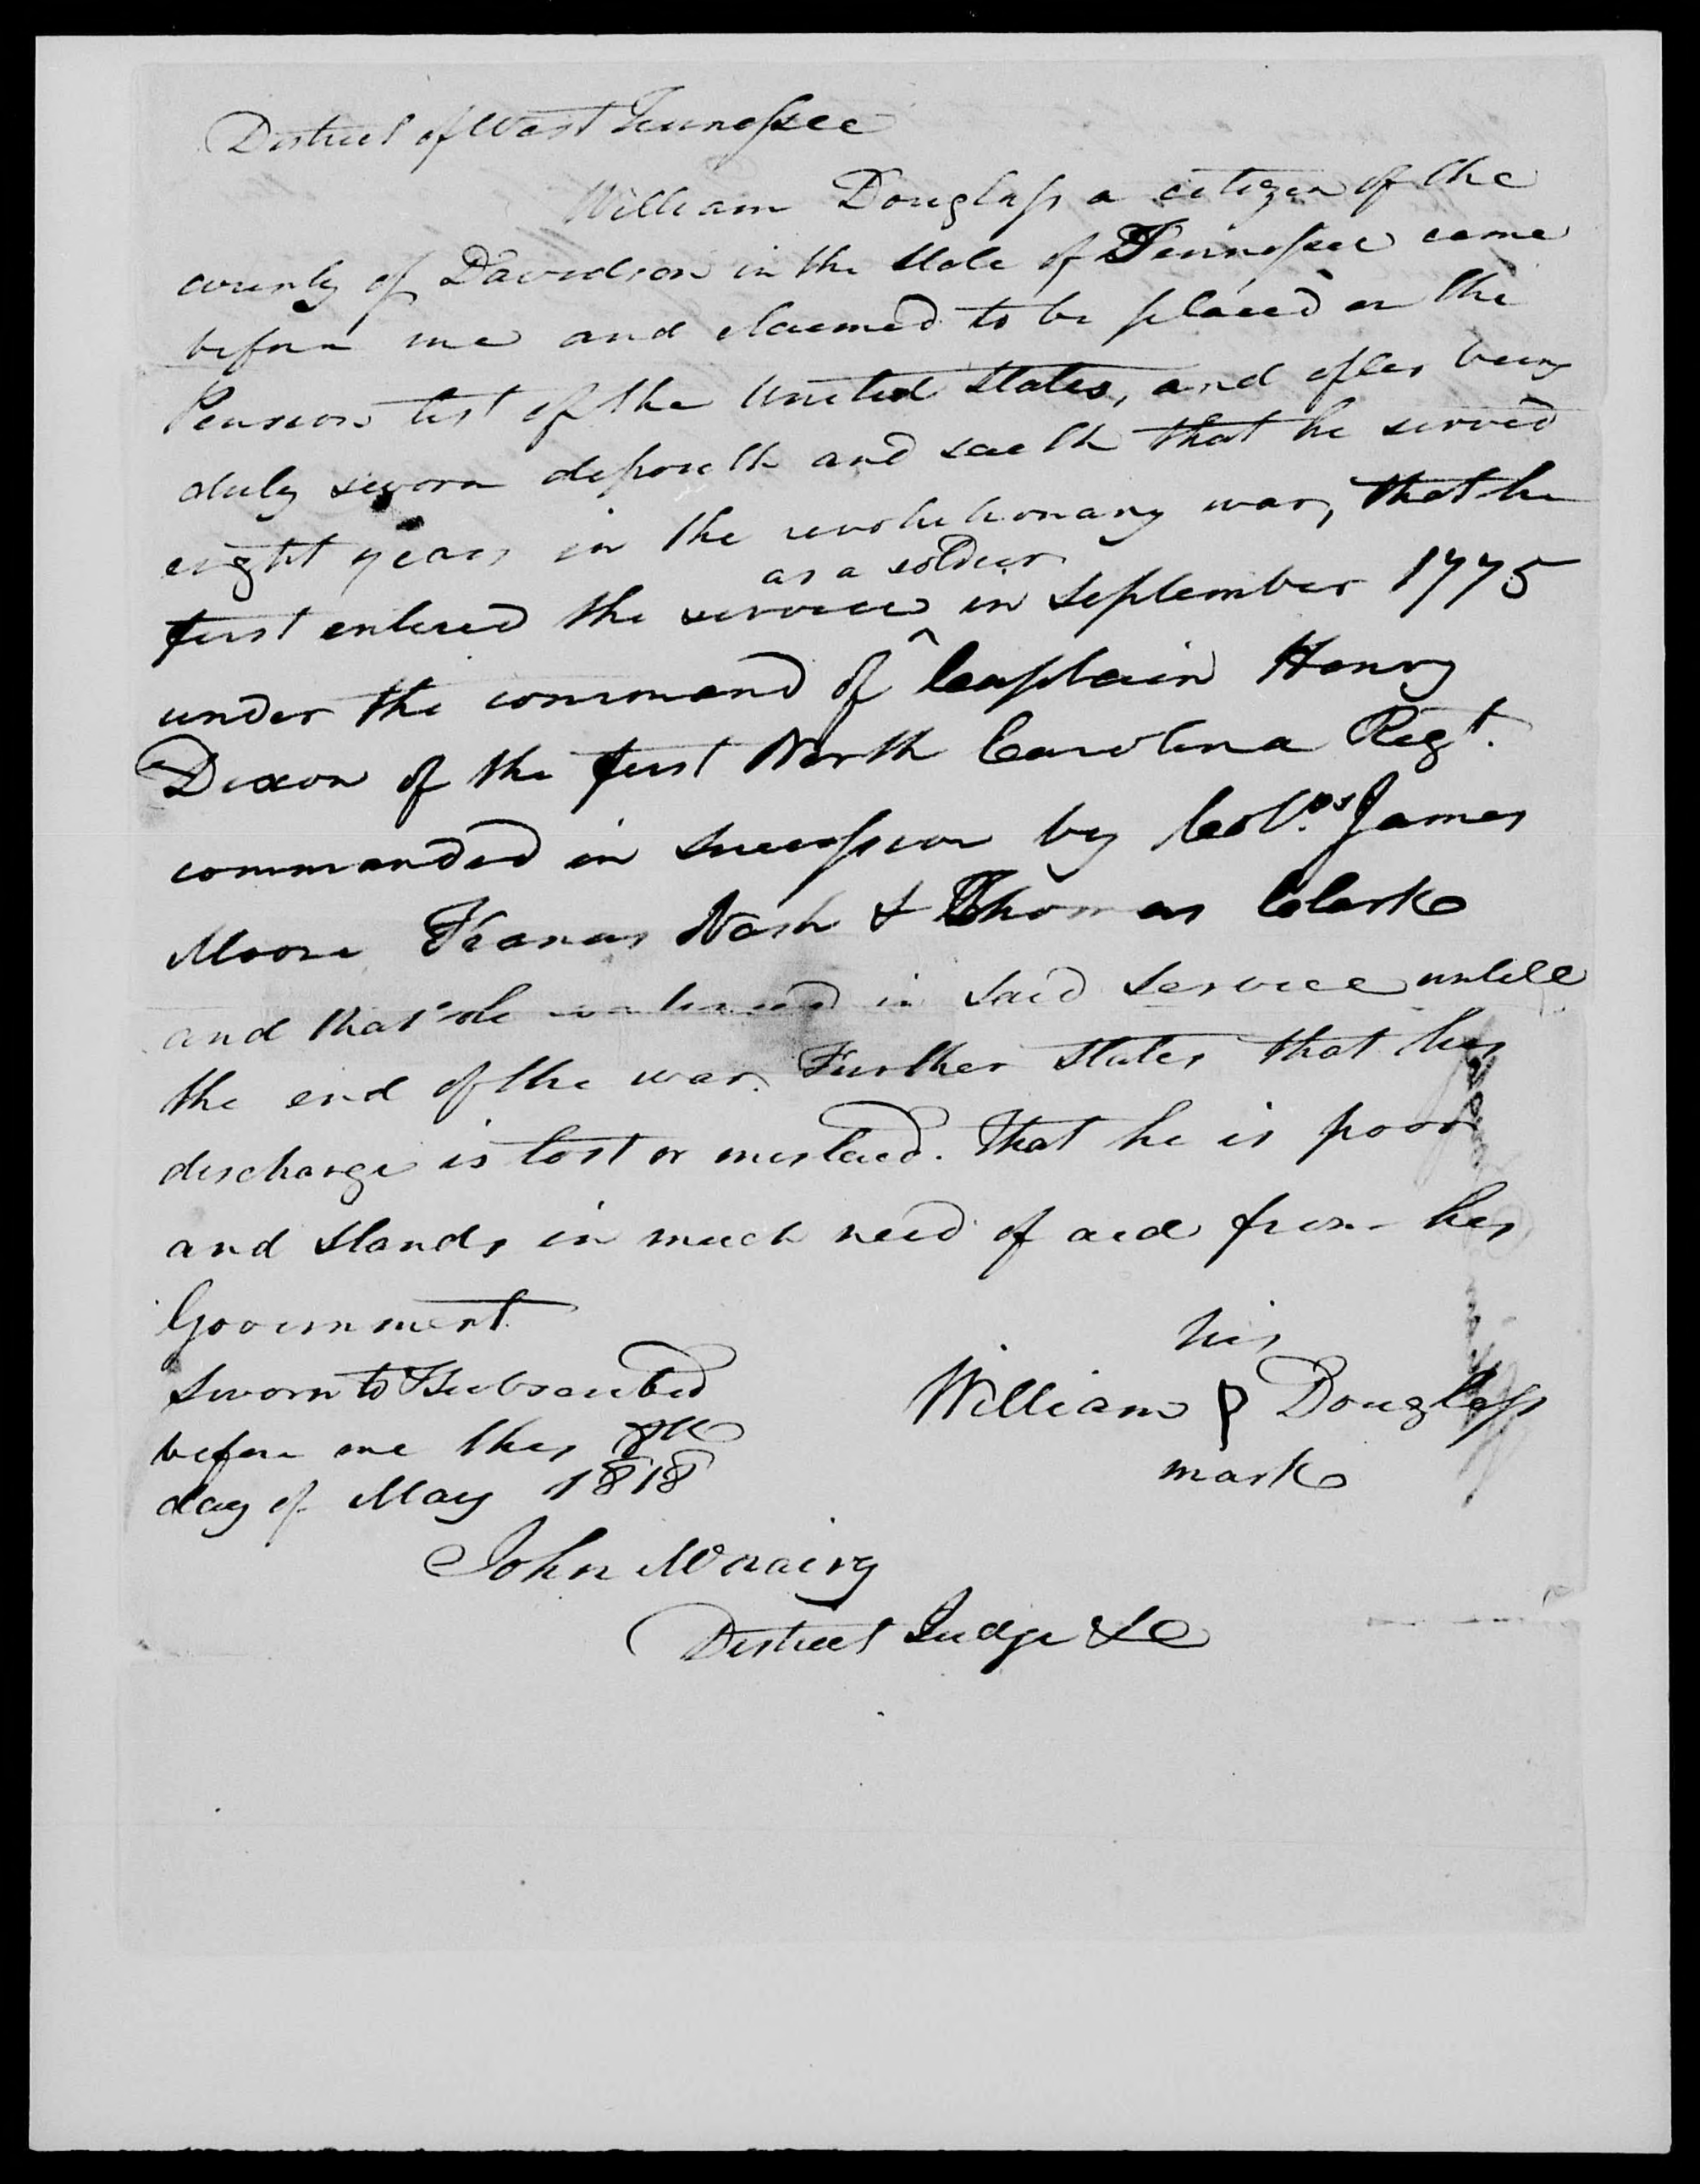[handwritten]

District of West Tennessee
William Douglass a citizen of the
County of Davidson in the State of Tennessee
came before me and claimed to be placed on the
Pension list of the United States, and after being
duly sworn deposeth and saith that he served
eight years in the revolutionary war, that he
first entered the service ^[insert] as a soldier in September 1775
under the command of Captain Henry
Dixon of the first North Carolina Regt
commanded in succession by Col. James
Moore, Francis Nash & Thomas Clark
and that he in entered in said service untill [sic] 
the end of the war. Further states that his 
discharge is lost or mislaid. That he is poor
and stands in much need of aid from his
Government
Sworn to subscribed before me this 8th day
of May 1818
William his P mark Douglass
John McNairy
District Judge &c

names: John Mc Nairy, Thomas Clark, William Douglass, William Douglass, James Moore, Francis Nash, Henry Dixon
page: 6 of 7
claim: survivor's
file: S. 38667, William Douglass, N.C.